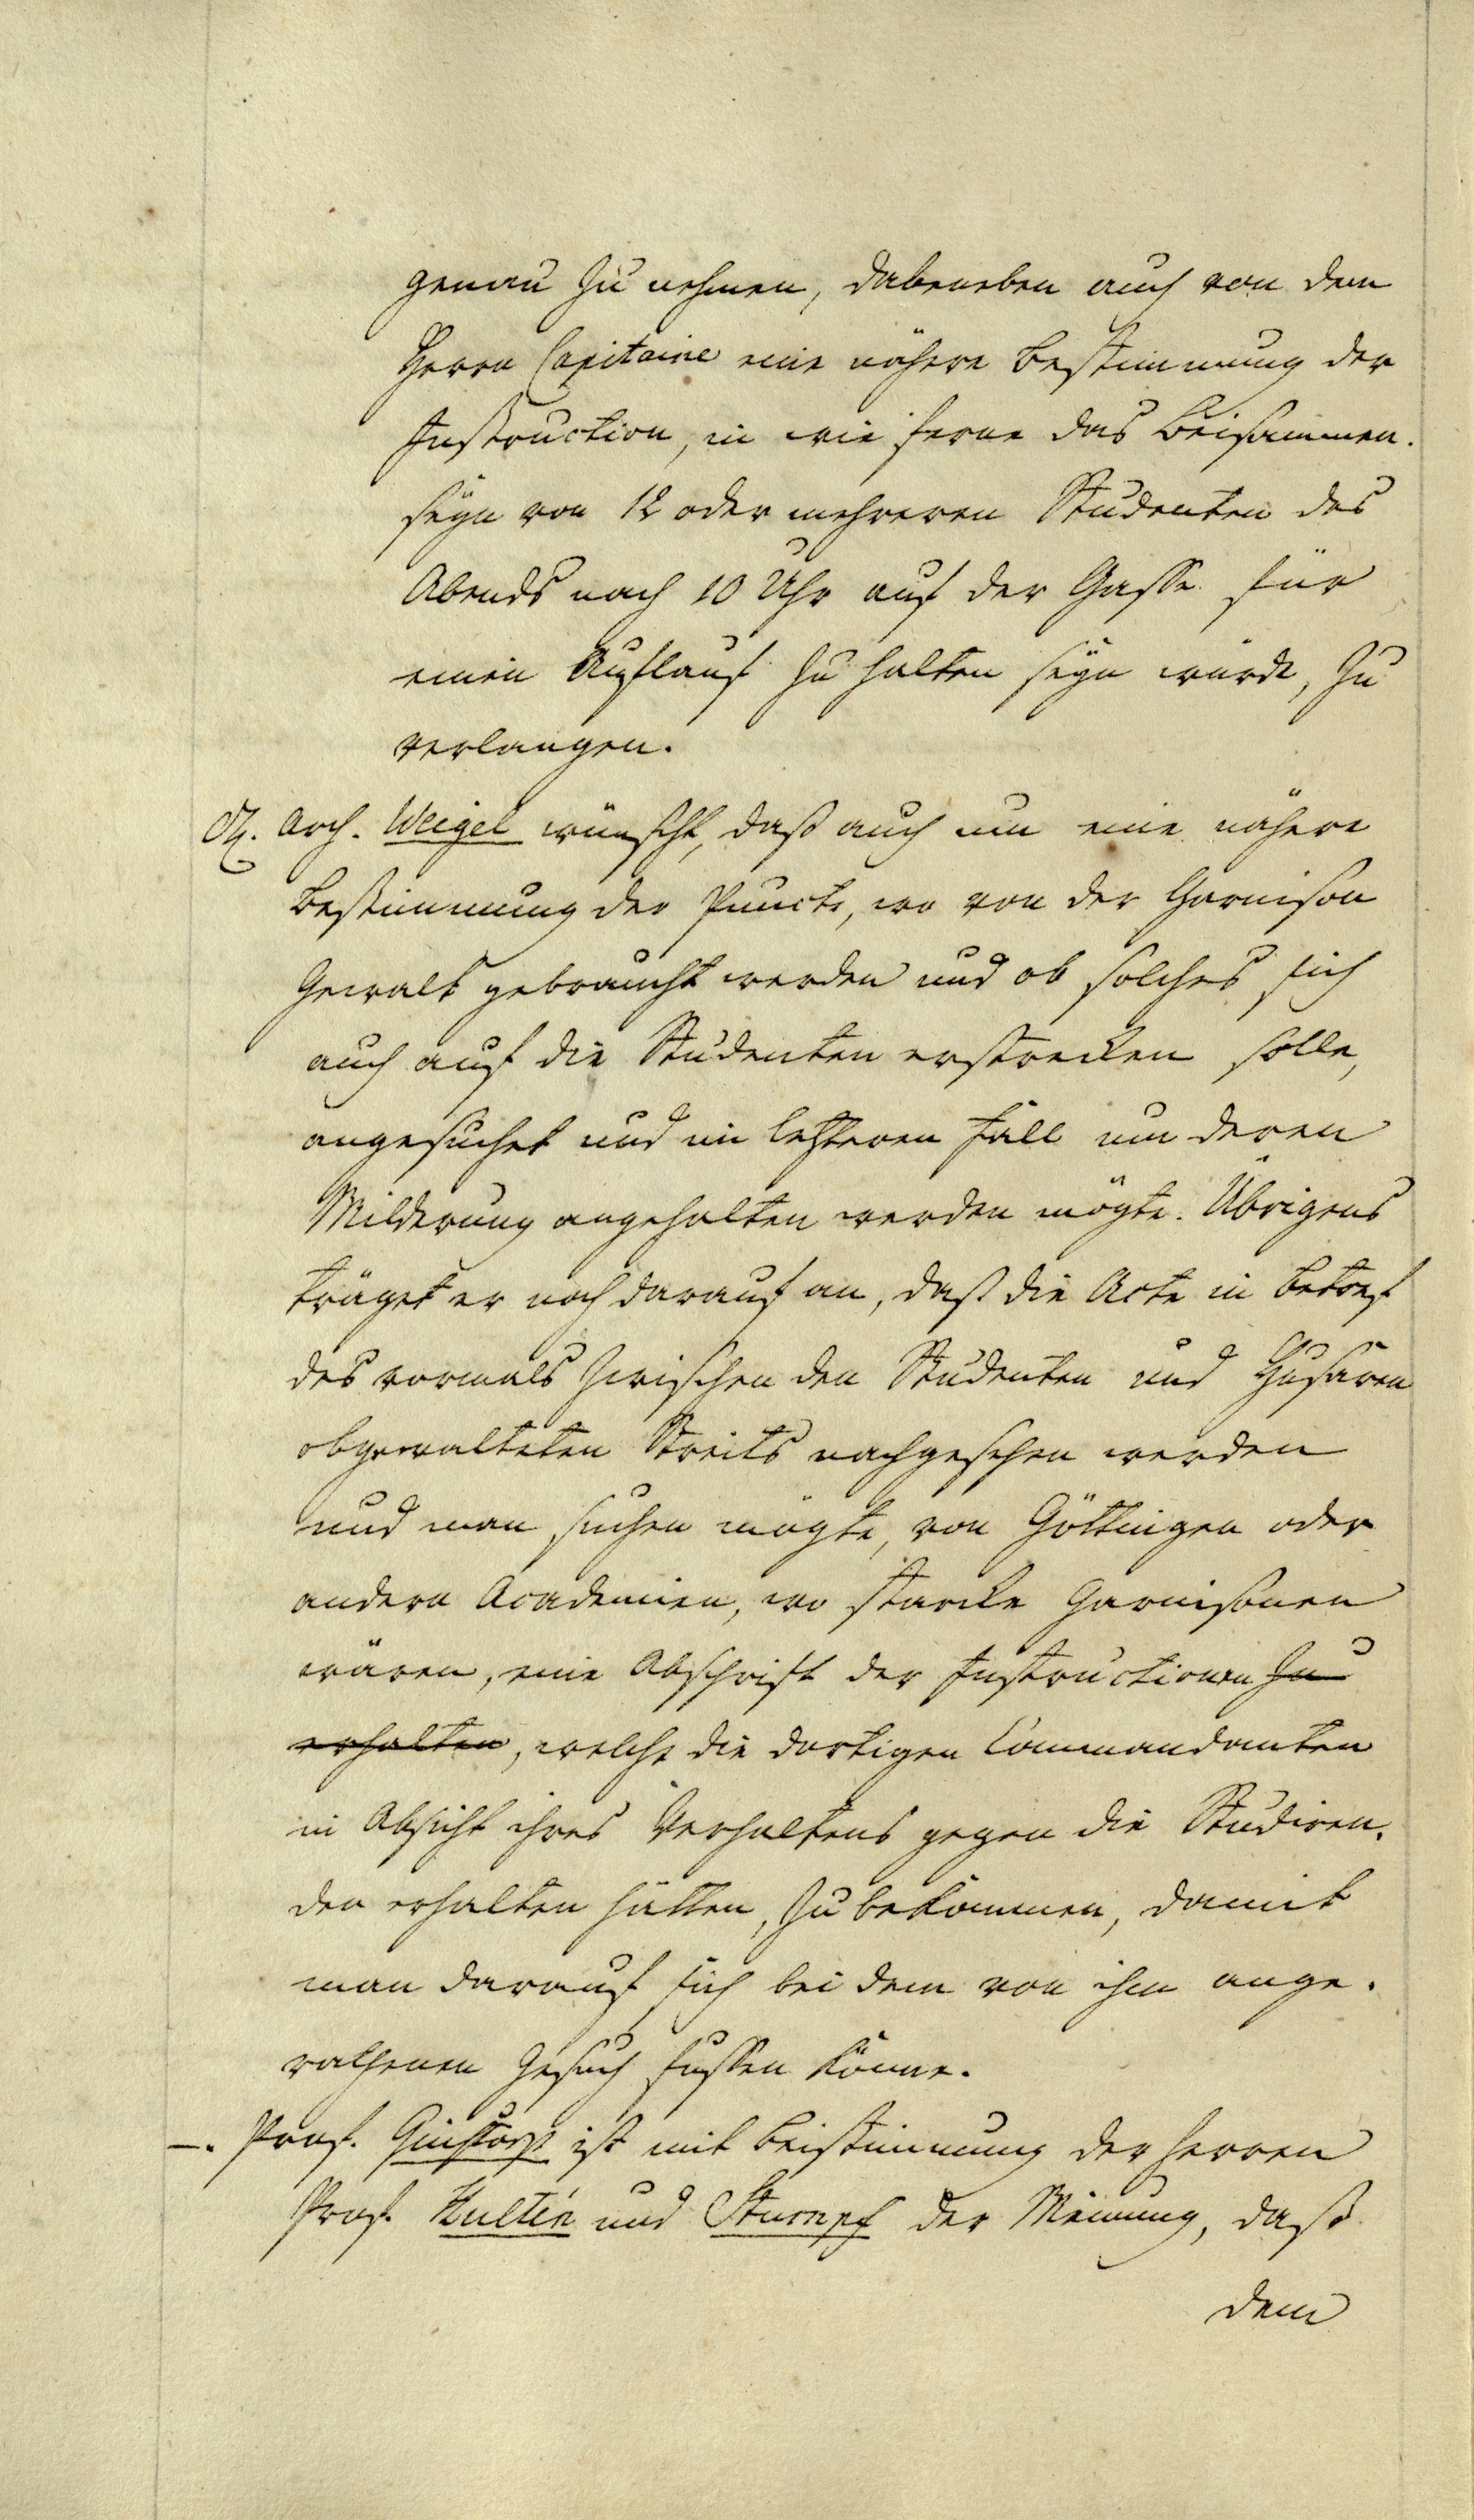genau zu nehmen, dabeneben auch von dem
Herrn Capitaine eine nähere Bestimmung der
Instruction, in wie ferne das Beisammen¬
seÿn von 12 oder mehreren Studenten des
Abends nach 10 Uhr auf der Gasse für
einen Auflauf zu halten seÿn würde, zu
verlangen.
dh. Arch. Weigel wünscht, daß auch um eine nähere
Bestimmung der Puncte, wo von der Garnison
Gewalt gebraucht werden und ob solches sich
auch auf die Studenten erstrecken solle,
angesuchet und in letzteren Fall um deren
Milderung angehalten werden mögte. Übrigens
träget er noch darauf an, daß die Acte in Betref
des vormals zwischen den Studenten und Husaren
obgewalteten Streits nachgesehen werden
und man suchen mögte, von Göttingen der
andern Academien, wo starcke Garnisonen
wären, eine Abschrift der Instructionen zu
erhalten, welche die dortigen Commandanten
in Absicht ihres Verhaltens gegen die Studiren¬
den erhalten hätten, zu bekommen, damit
man darauf sich bei dem von ihm ange¬
rathenen Gesuch fussen könne.
Prof. Quistorp ist mit Beistimmung der Herren
Prof. Hultén und Stumpf der Meinung, daß
dem